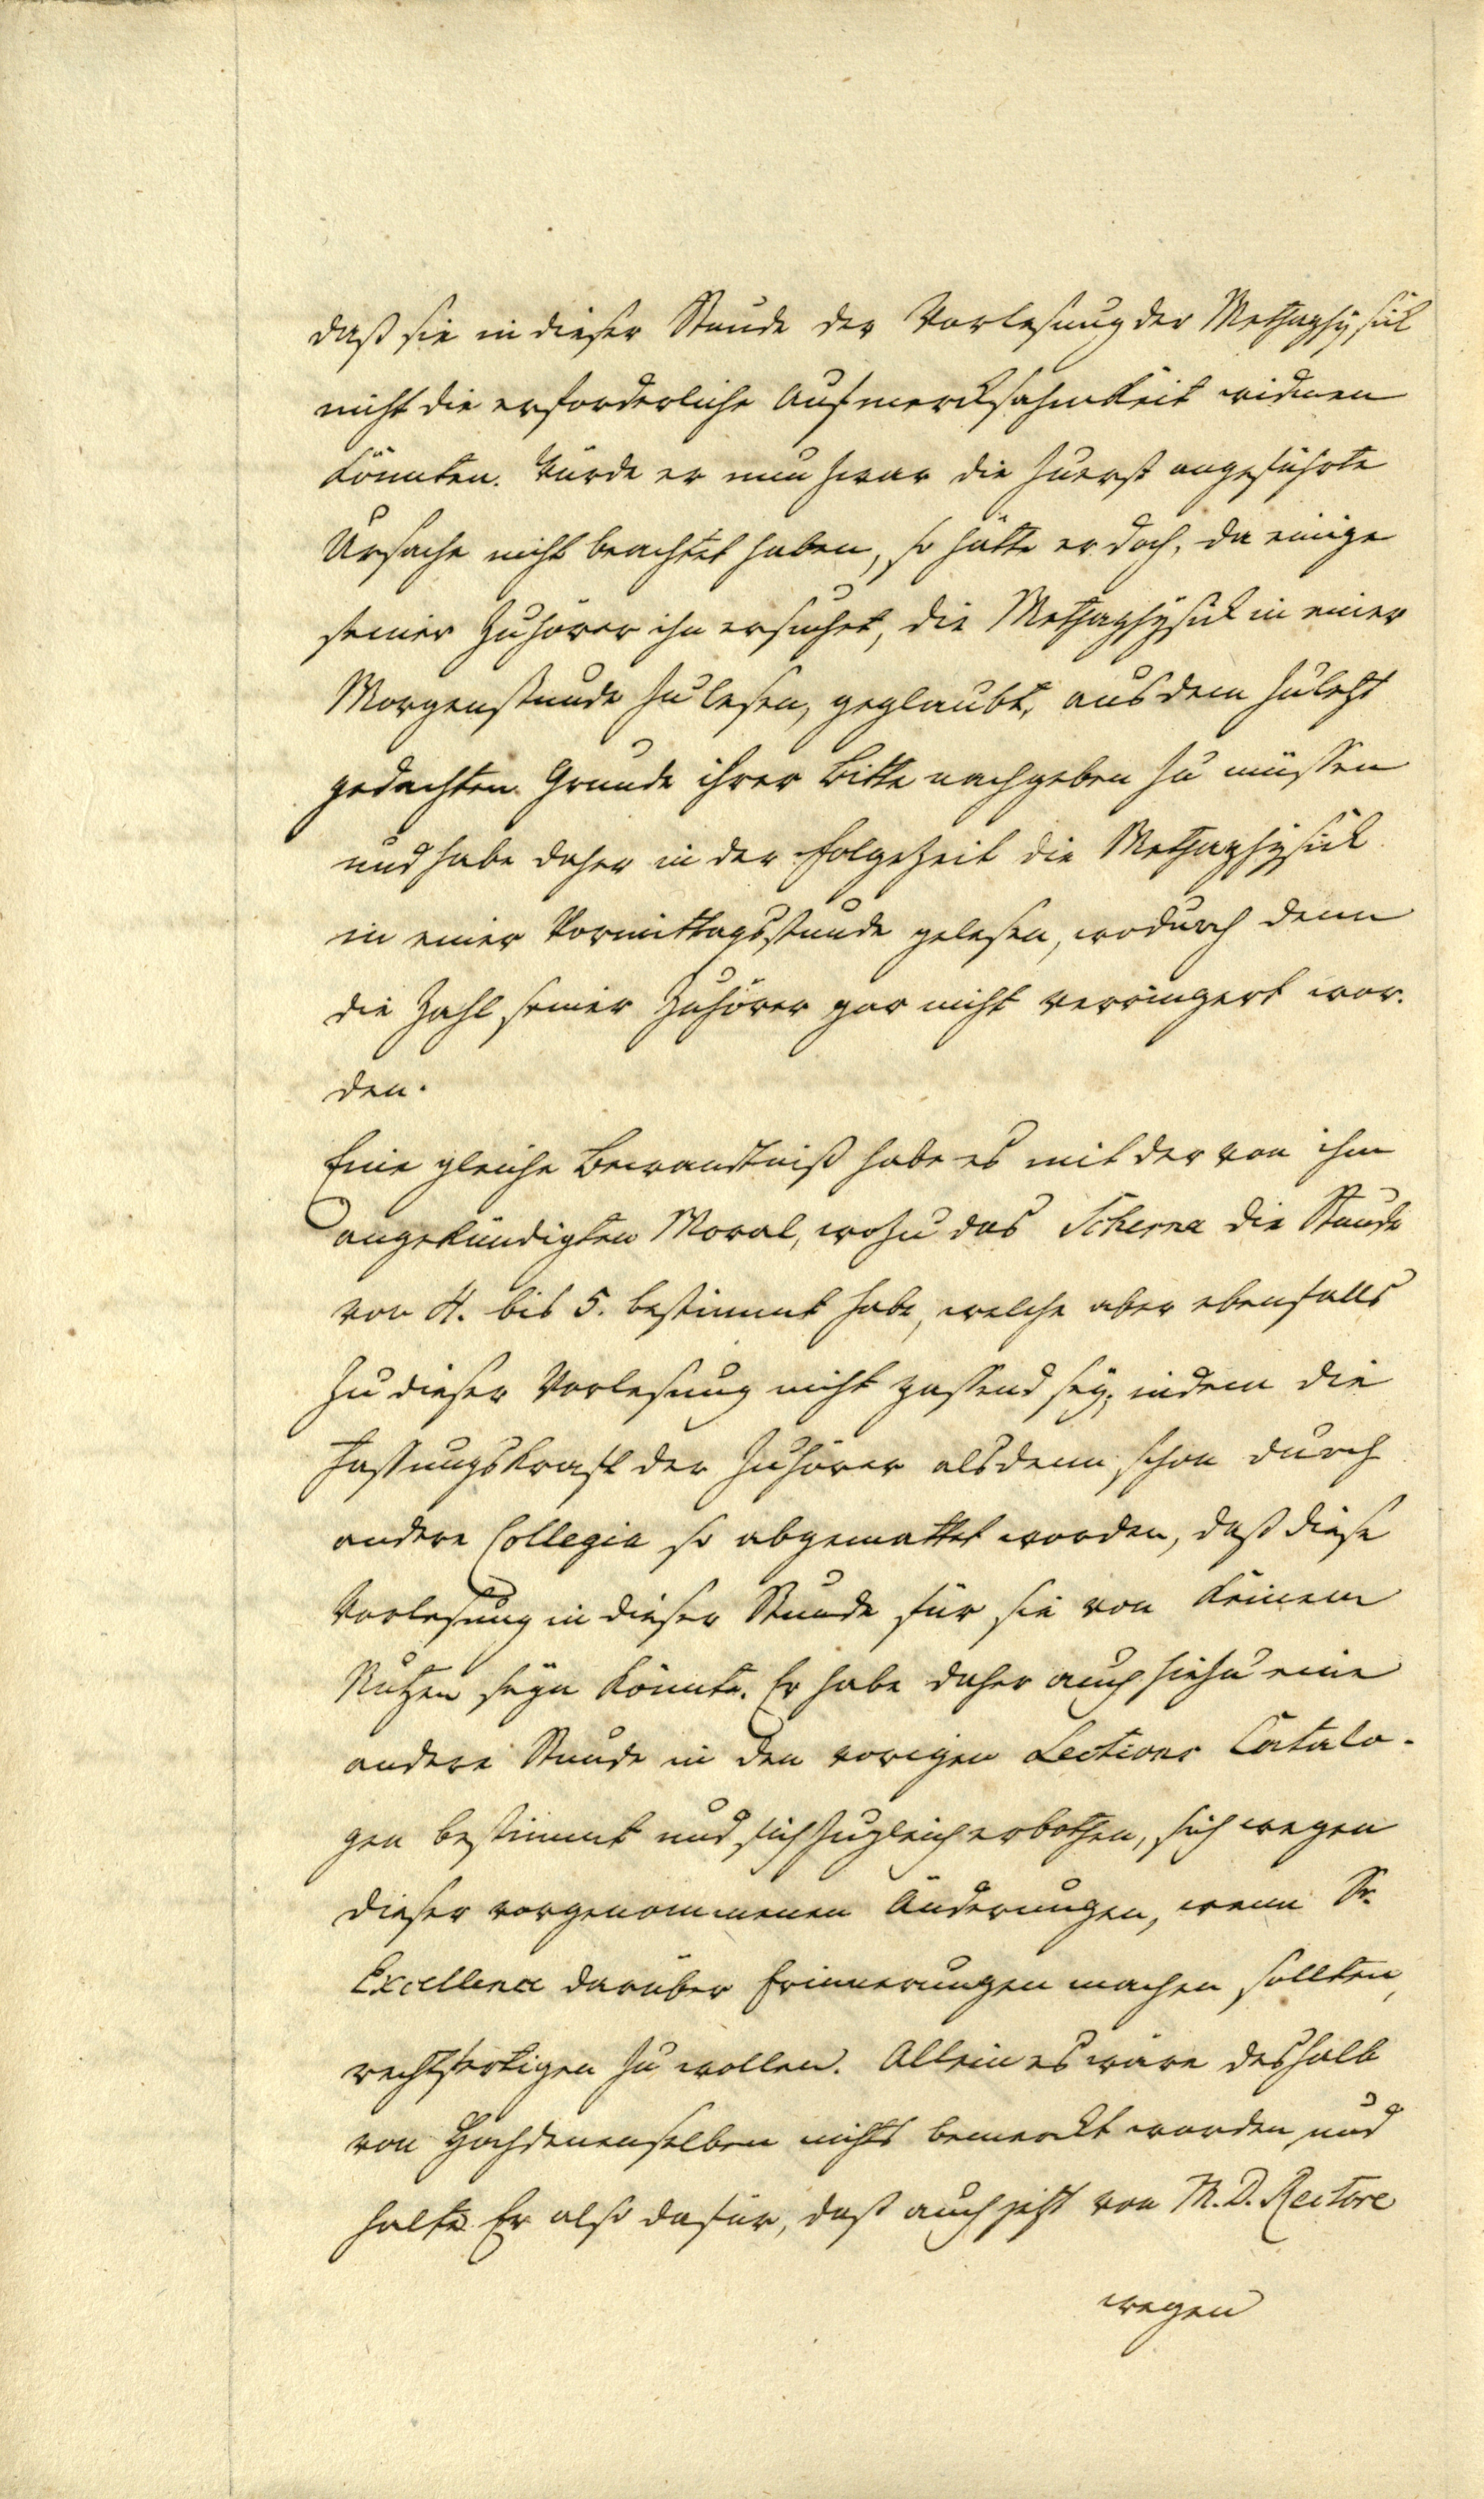daß sie in dieser Stunde der Vorlesung der Methaphÿsick
nicht die erforderliche Aufmercksahmkeit widmen
könnten. Würde er nun zwar die zuerst angeführte
Ursache nicht beachtet haben, so hätte er doch, da einige
seiner Zuhörer ihn ersuchet, die Methaphÿsick in einer
Mogenstunde zu lesen, geglaubt, aus dem zuletzt
gedachten Grunde ihrer Bitte nachgeben zu müssen
und habe daher in der Folgezeit die Methaphÿsick
in einer Vormittagstunde gelesen, wodurch denn
die Zahl seiner Zuhörer gar nicht verringert wor¬
den.
Eine gleiche Bewandtniß habe es mit der von ihm
angekündigten Moral, wozu das Schema die Stunde
von 4. bis 5. bestimmt habe, welche aber ebenfalls
zu dieser Vorlesung nicht passend seÿ, indem die
Fassungskraft der Zuhörer alsdenn schon durch
andere Collegia so abgemattet worden, daß diese
Vorlesung in dieser Stunde für sie von keinem
Nutzen seyn könnte. Er habe daher auch hiezu eine
andere Stunde in den vorigen Lections Catalo¬
gen bestimmt und sich zugleich erbothen, sich wegen
dieser vorgenommenen Änderungen, wenn Sr.
Excellence darüber Erinnerungen machen sollten,
rechtfertigen zu wollen. Allein es wäre deshalb
von Hochdenenselben nicht bemerckt worden und
halte Er also dafür, daß auch jetzt von M. D. Rectore
wegen